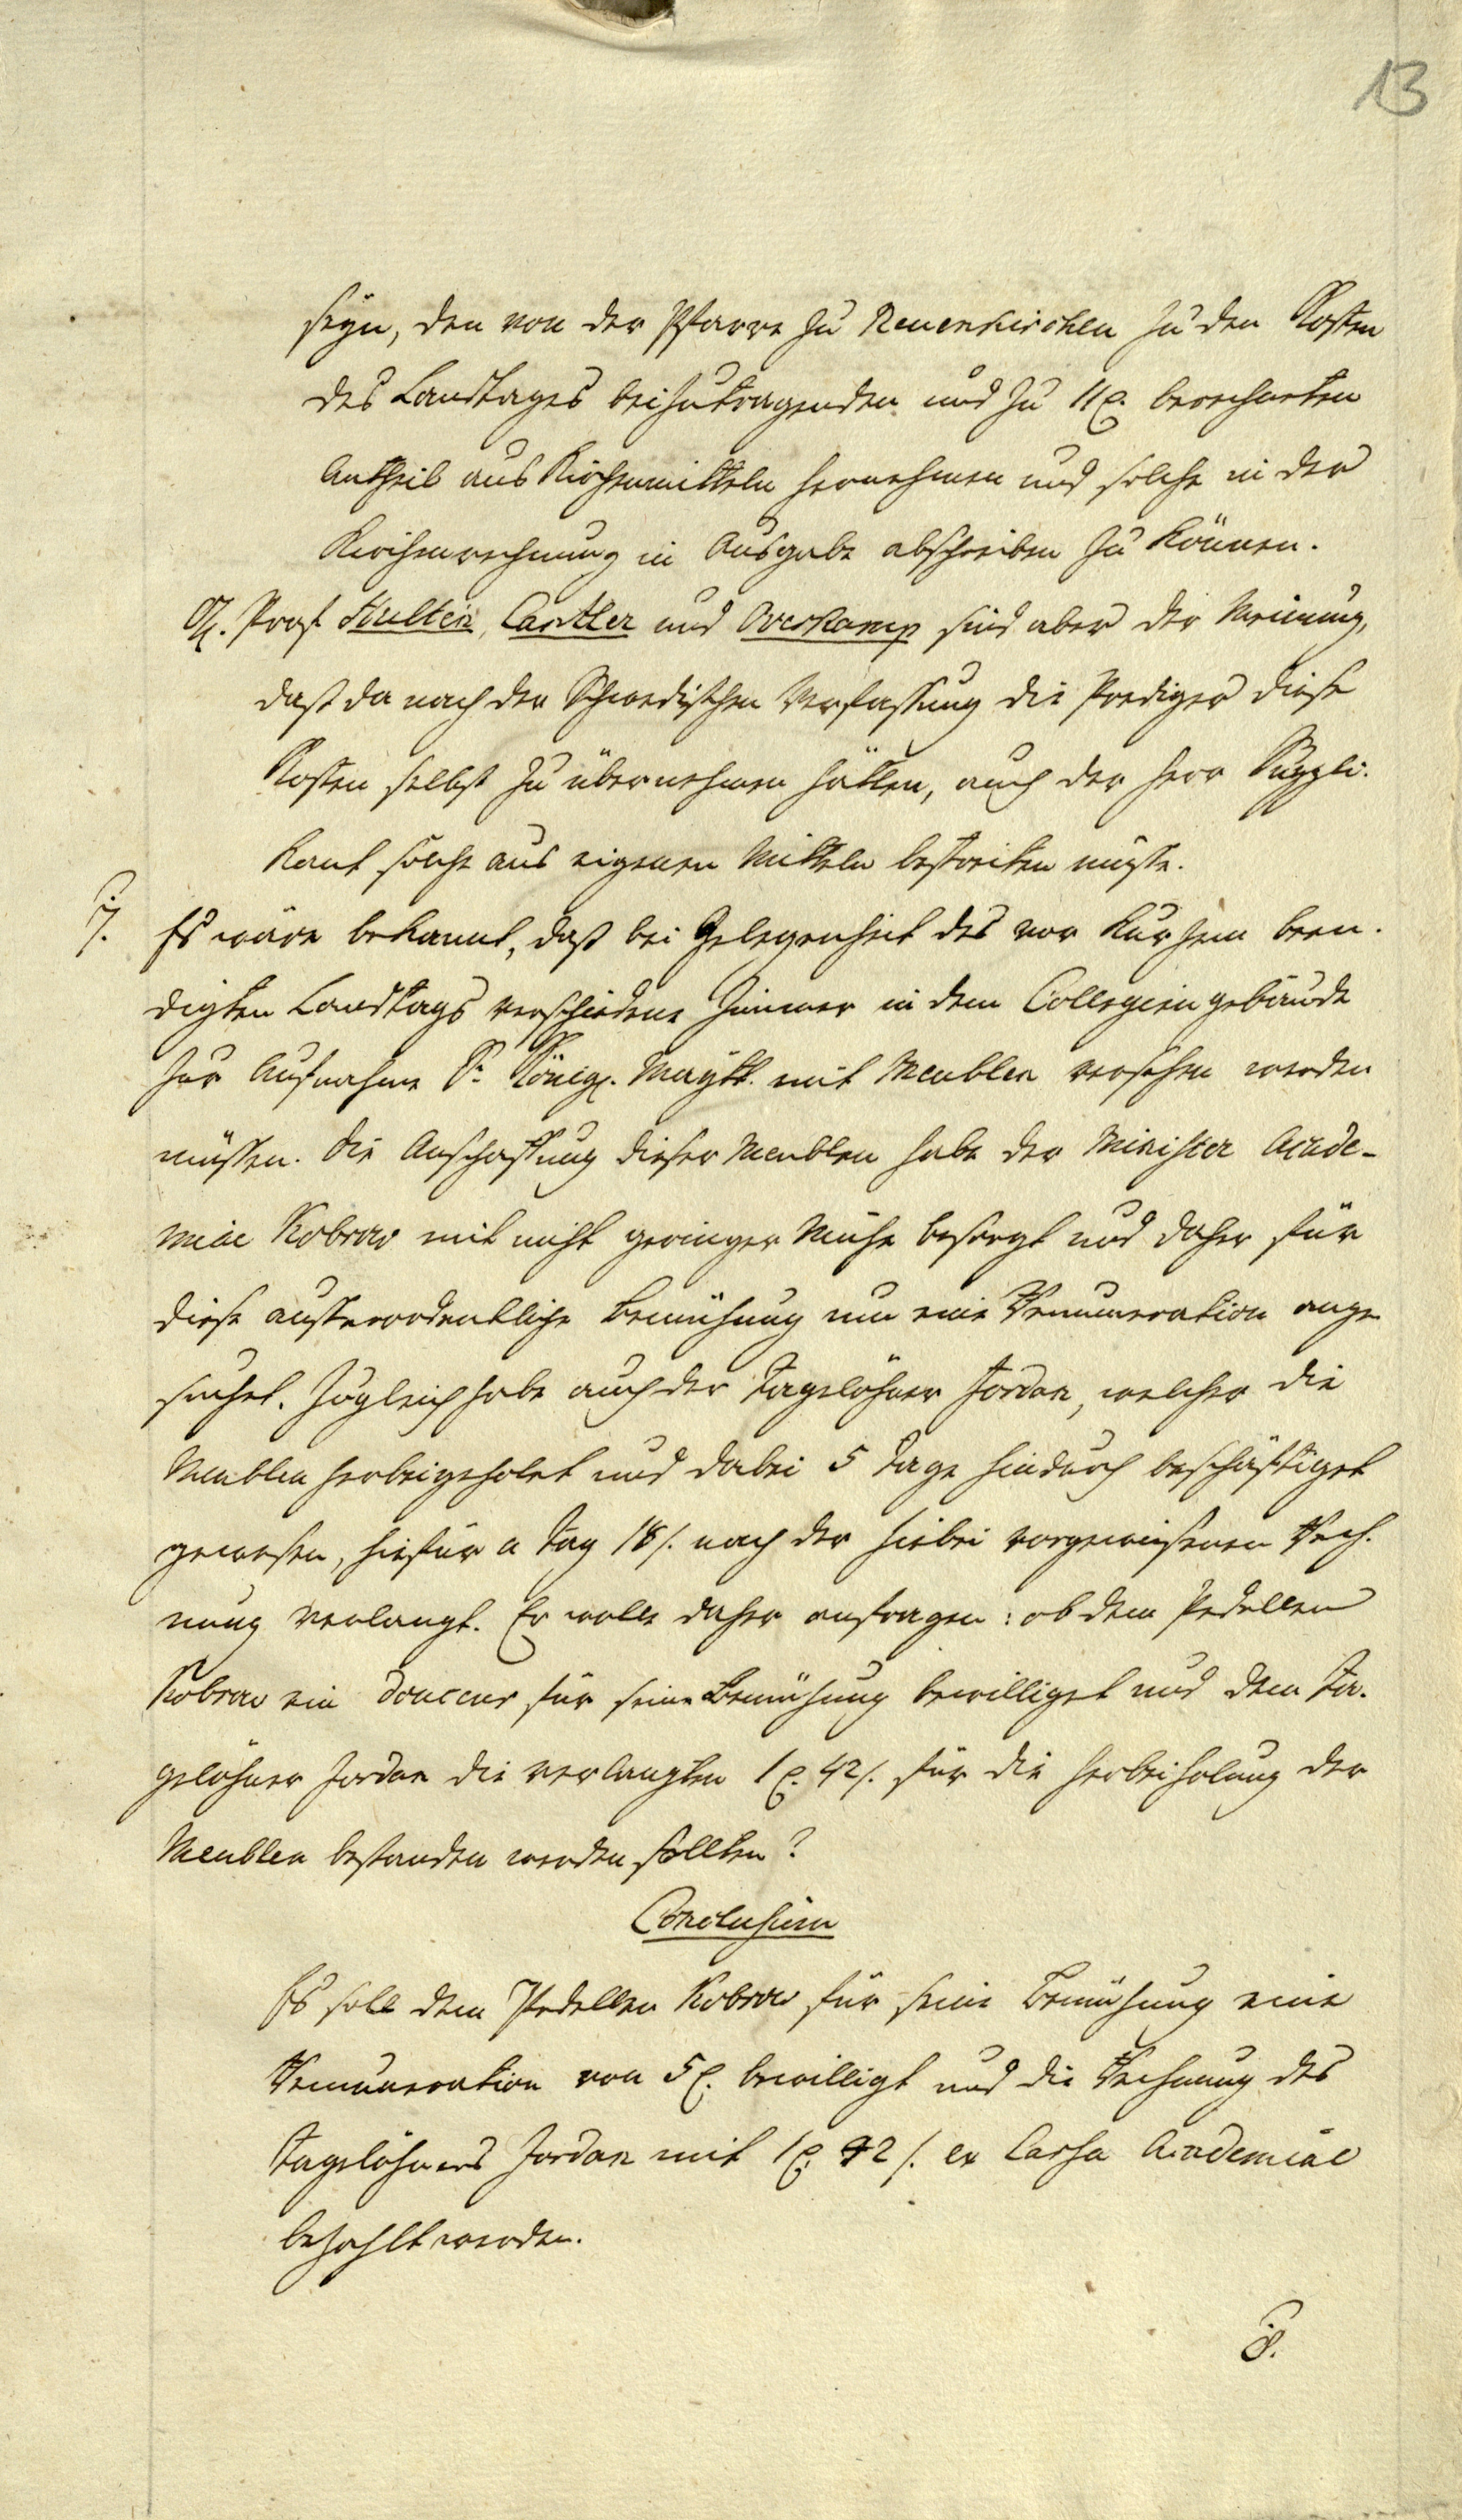seÿn, den von der Pfarre zu Neuenkirchen zu den Kosten
des Landtages beizutragenden und zu 11. s. berechneten
Antheil aus Kirchenmitteln hernehmen und solche in der
Kirchenrechnung in Ausgabe abschreiben zu können.
dh. Prof. Hultén, Canzler und Overkamp sind aber der Meinung,
daß da nach der schwedischen Verfassung die Prediger diese
Kosten selbst zu übernehmen hätten, auch der herr Suppli¬
kant solche aus eigenen Mitteln bestreiten müsse.
7. Es wäre bekannt, daß bei Gelegenheit des vor kurzem been¬
digten Landtags verschiedene Zimmer in dem Collegiengebäude
zur Aufnahme Sr. Königl. Maÿtt. mit Meublen versehen werden
müssen. Die Anschaffung dieser Meublen habe der Minister Acade¬
miae Kobrow mit nicht geringer Mühe besorgt und daher für
diese außerordentliche Bemühung um eine Remuneration ange¬
suchet. Zugleich habe auch der Tagelöhner Jordan, welcher die
Meublen herbeigeholet und dabei 5 Tage hindurch beschäftiget
gewesen, hiefür a Tag 18 s. nach der hiebei vorgewiesenen Rech¬
nung verlangt. Er wolle daher anfragen: ob dem Pedellen
Kobrow ein douceur für seine Bemühung bewilliget und dem Ta¬
gelöhner Jordan die verlangten 1l. 42 s. für die herbeiholung der
Meublen bestanden werden sollen?
Conclusum
Es soll dem Pedellen Kobrow für seine Bemühung eine
Remuneration von 5 l. bewilligt und die Rechnung des
Tagelöhners Jordan mit 1 l. 42 s. ex Cassa Academiae
bezahlt werden.
8.